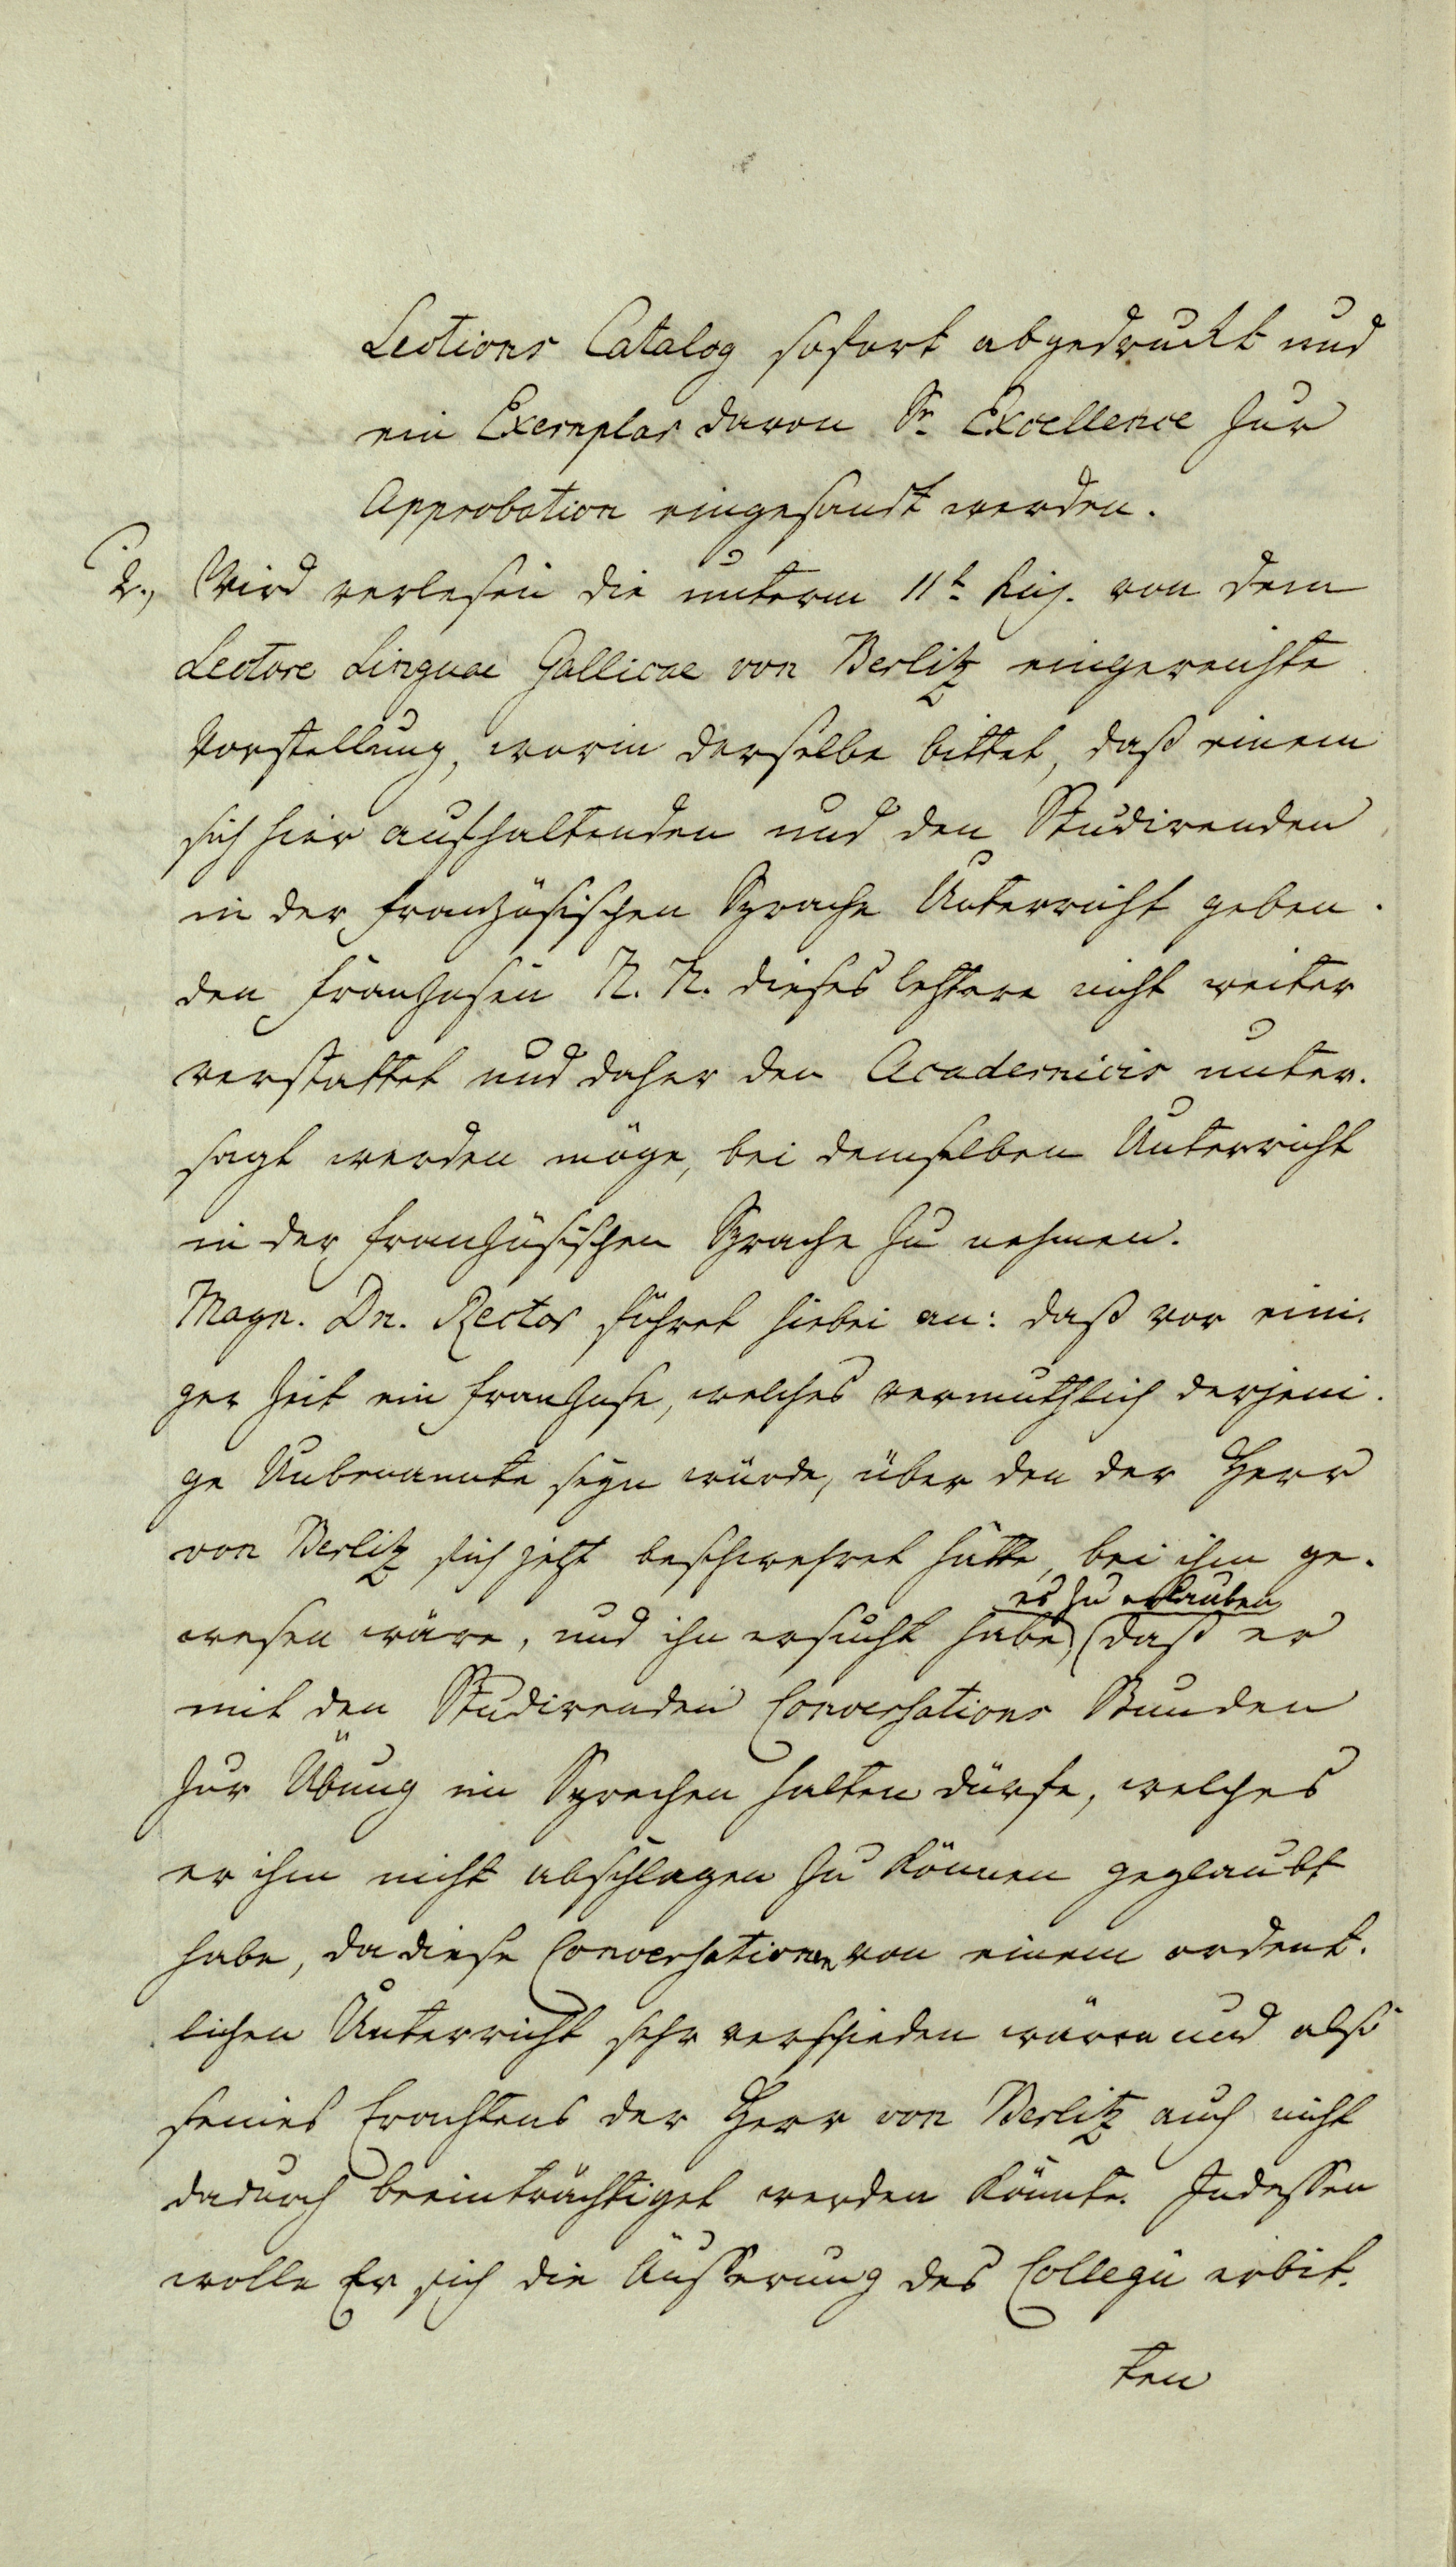Lections Catalog sofort abgedruckt und
ein Exemplar davon Sr. Excellence zur
Approbation eingesandt werden.
2., Wird verlesen die unterm 11t. huj. von dem
Lectore Linguae Gallicae von Berlitz eingereichte
Vorstellung, worin derselbe bittet, daß einem
sich hier aufhaltenden und den Studirenden
in der Französischen Sprache Unterricht geben¬
den Franzosen N. N. dieses letztere nicht weiter
verstattet und daher den Academicis unter¬
sagt werden möge, bei demselben Unterricht
in der Französischen Sprache zu nehmen.
Magn. Dn. Rector führet hiebei an: daß vor eini¬
ger Zeit ein Franzose, welches vermuthlich derjeni¬
ge Unbenannte seÿn würde, über den der Herr
von Berlitz sich jetzt beschweret hätte, bei ihm ge¬
es zu erlauben,
wesen wäre, und ihn ersucht habe, daß er
mit den Studirenden Conversations Stunden
zur Übung im Sprechen halten dürfe, welches
er ihm nicht abschlagen zu können geglaubt
habe, da diese Conversationen von einem ordent¬
lichen Unterricht sehr verschieden wären und also
seines Erachtens der Herr von Berlitz auch nicht
dadurch beeinträchtiget werden könnte. Indessen
wolle Er sich die Äusserung des Collegii erbit¬
ten